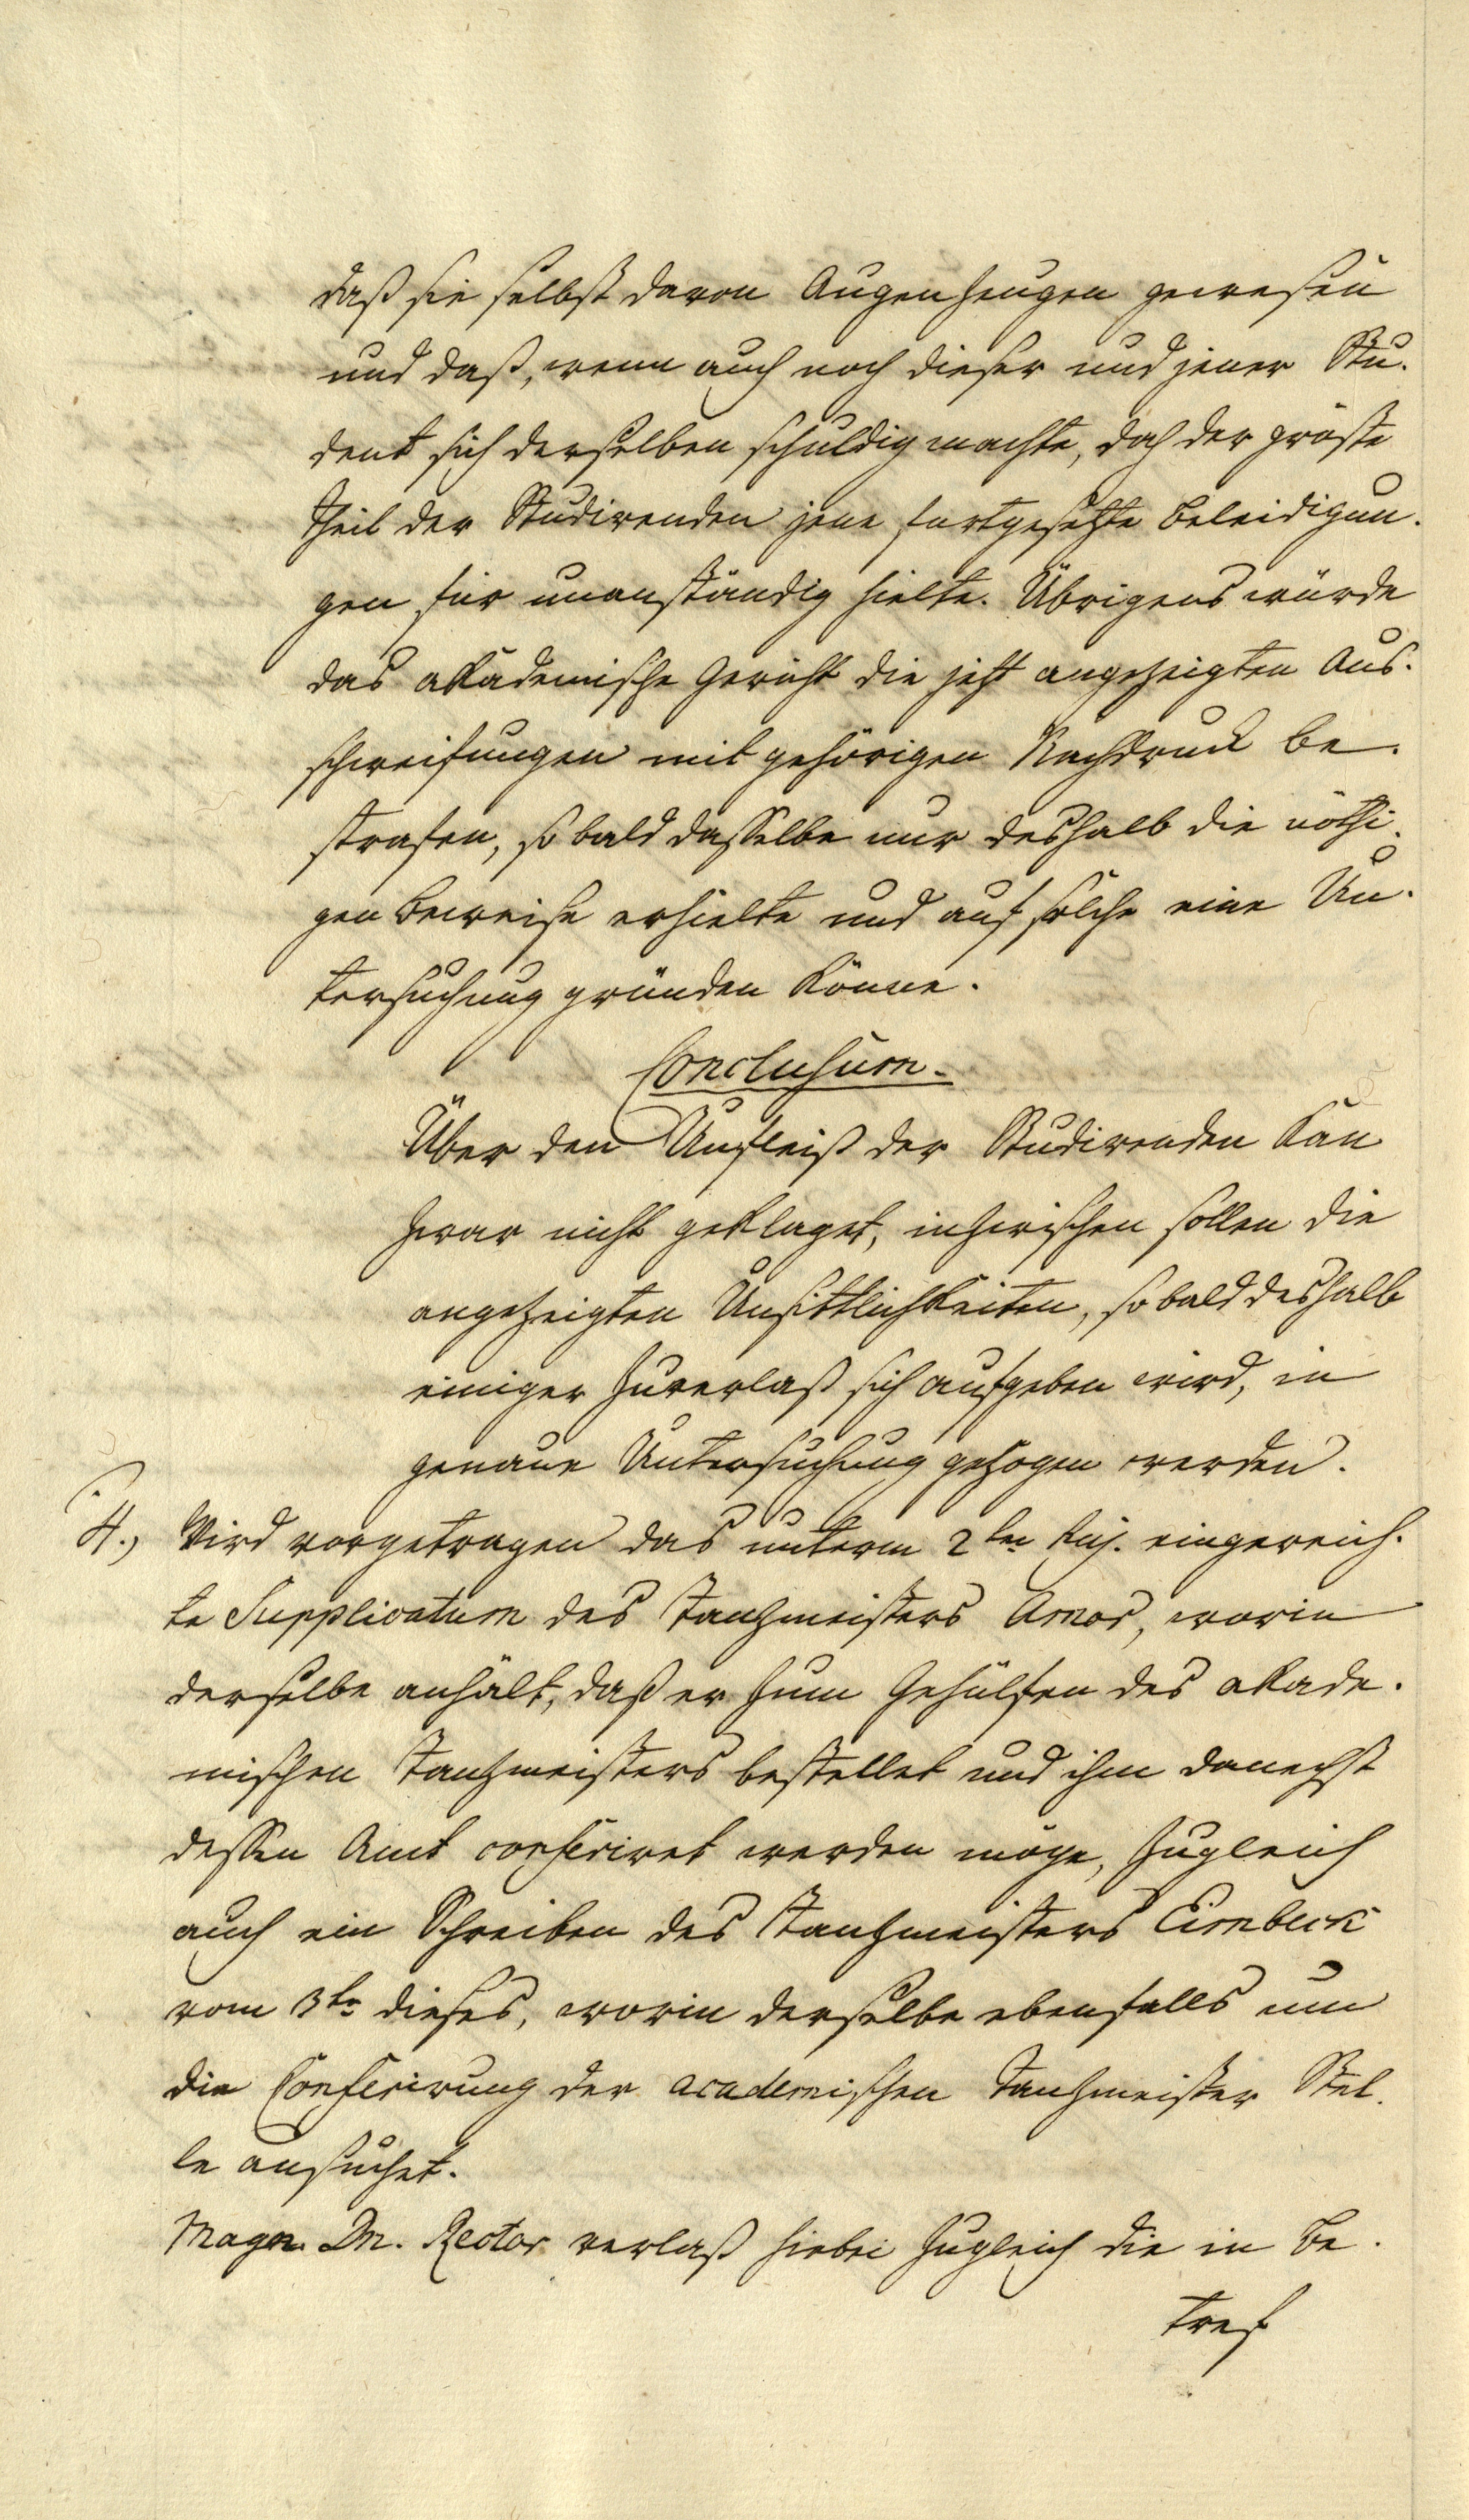daß sie selbst davon Augenzeugen gewesen
und daß, wenn auch noch dieser und jener Stu-
dent sich derselben schuldig machte, doch der größte
Theil der Studirenden jene fortgesetzte Beleidun-
gen für unanständig hielte. Übrigens würde
das akademische Gericht die jetzt angezeigten Aus-
schweifungen mit gehörigen Nachdruck be-
strafen, so bald dasselbe nur deshalb die nöthi-
gen Beweise erhielte und auf solche eine Un-
tersuchung gründen könne.
Conclusum.
Über den Unfleiß der Studirenden kan
zwar nicht geklaget, inzwischen sollen die
angezeigten Unsittlichkeiten, so bald deshalb
einiger Zuverlaß sich aufgeben wird, in
genaue Untersuchung gezogen werden.
4. Wird vorgetragen das unterm 2ten huj. eingereich-
te Supplicatum des Tanzmeisters Amor, worin
derselbe anhält, daß er zum Gehülfen des akade-
mischen Tanzmeisters bestellet und ihm danechst
dessen Amt conferiret werden möge, zugleich
auch ein Schreiben des Tanzmeisters Eimbeck
vom 3ten dieses, worin derselbe ebenfalls um
die Conferirung der academischen Tanzmeister Stel-
le ansuchet.
Magn. Dn. Rector verlas hiebei zugleich die in Be-
tref